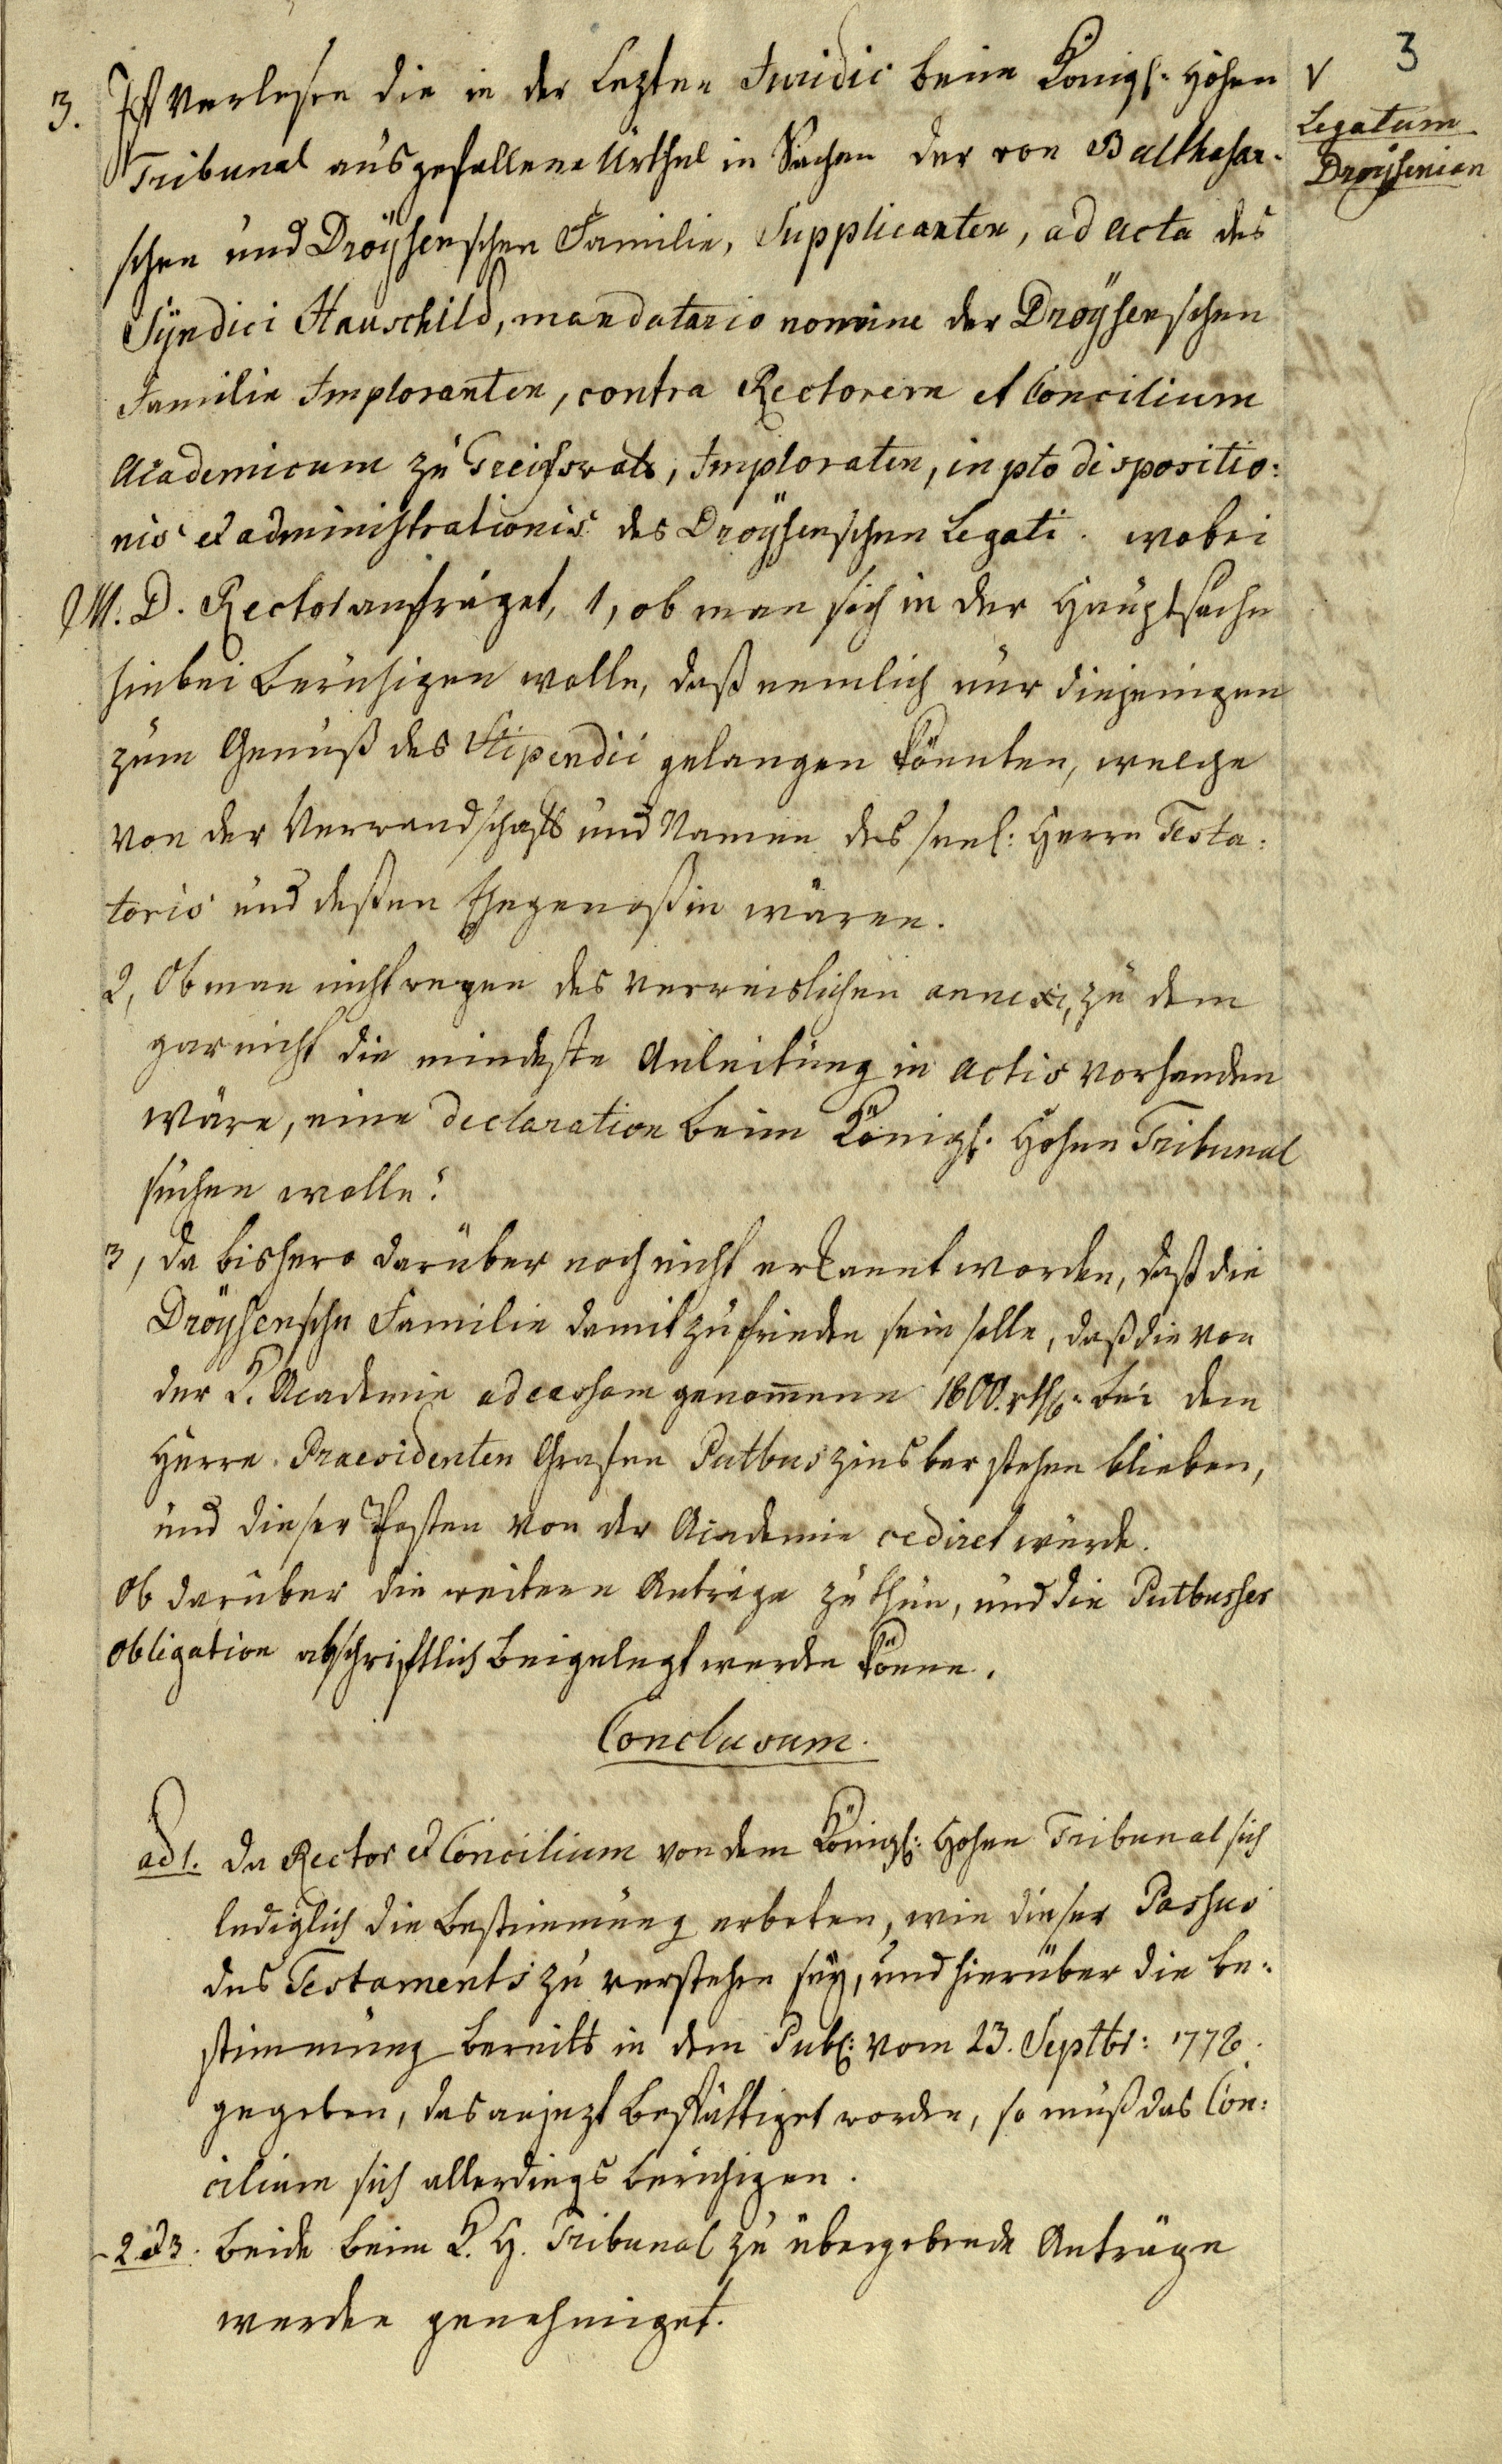3. Ist verlesen die in der letzten Juridic beim Königl: Hohen
Tribunal ausgefallenen Urthel in Sachen der von Balthasar¬
schen und Droÿsenschen Familie, Supplicanten, ad acta des
Sÿndici Hauschild, mandatario nomine der Droÿsenschen
Familie Imploranten, contra Rectorem et Concilium
Academicum zu Greifswald, Imploraten, in pto dispositio¬
nis et administrationis des Droÿsenschen Legati. wobei
M. D. Rector anfräget, 1, ob man sich in der Hauptsache
hiebei beruhigen wolle, daß nemlich nur diejenigen
zum Genuß des Stipendii gelangen könnten, welche
von der Verwandschaft und Namen des seel: Herrn Testa¬
toris und deßen Ehegenoßin wären.
2, ob man nicht wegen des verweislichen annexi, zu dem
gar nicht die mindeste Anleitung in actis vorhanden
wäre, eine declaration beim Königl. Hohen Tribunal
suchen wolle.
3, da bishero darüber noch nicht erkannt worden, daß die
Droÿsensche Familie damit zufrieden sein solle, daß die von
der K. Academie ad cassam genomene 1800. r: bei dem
Herrn Praesidenten Grafen Putbus zins bar stehen blieben,
und dieser Posten von der Academie cediret würde.
Ob darüber die weitern Anträge zu thun, und die Putbusser
Obligation abschriftlich beigelegt werden könne.
Conclusum
ad1. da Rector et Concilium von dem Königl: Hohen Tribunal sich
lediglich die Bestimmung erbeten, wie dieser Passus
des Testaments zu verstehen seÿ, und hierüber die be¬
stimmung bereits in dem Publ: vom 23. Septbr: 1778
gegeben, das anjezt bestättiget worden, so muß das Con¬
cilium sich allerdings beruhigen.
2 et 3. beide beim K. H. Tribunal zu übergebende Anträge
werden genehmiget.